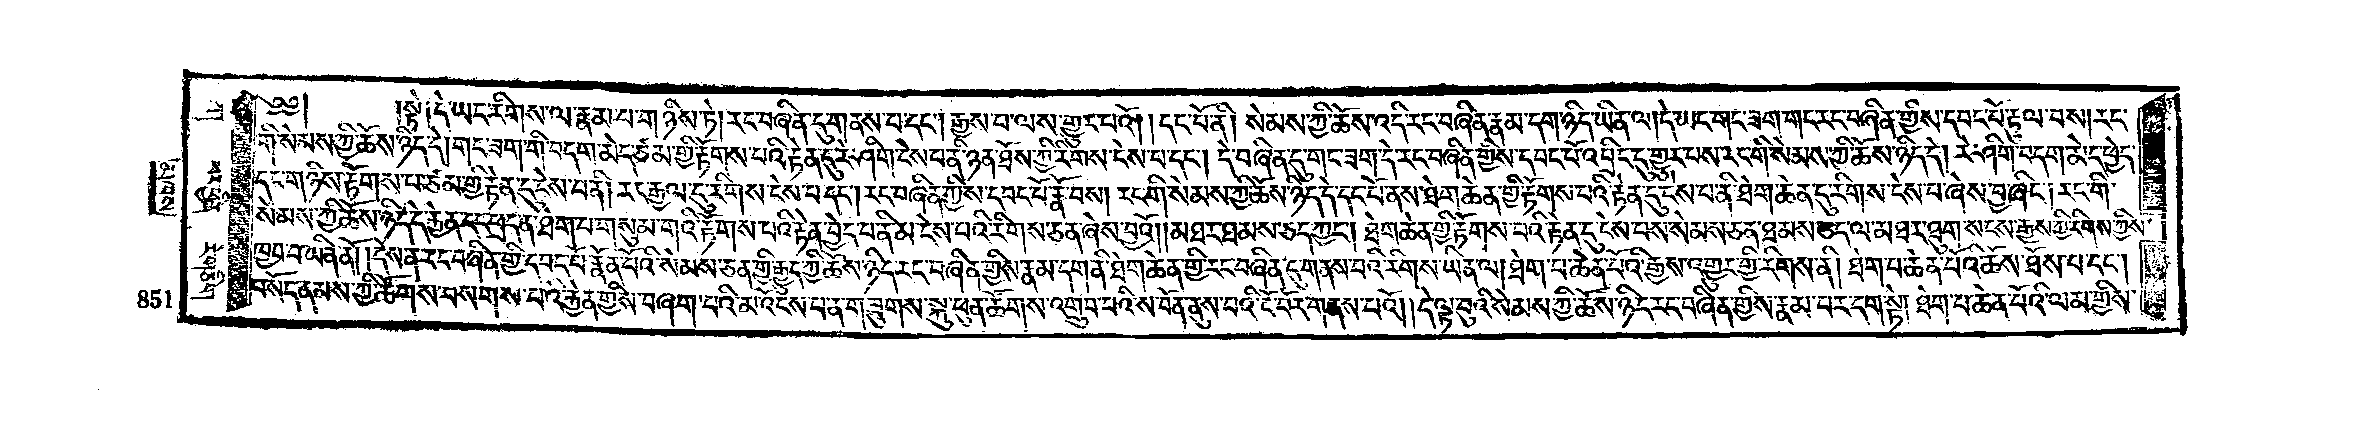༄༅། །སྟེ༑ དེ་ཡང་རིགས་ལ་རྣམ་པ་གཉིས་ཏེ། རང་བཞིན་དུ་གནས་པ་དང་། རྒྱས་པ་ལས་གྱུར་བའོ། །དང་པོ་ནི། སེམས་ཀྱི་ཆོས་འདི་རང་བཞིན་རྣམ་དག་ཉིད་ཡིན་ལ། དེ་ཡང་གང་ཟག་གང་རང་བཞིན་གྱིས་དབང་པོ་རྟུལ་བས། རང་
གི་སེམས་ཀྱི་ཆོས་ཉིད་དེ། གང་ཟག་གི་བདག་མེད་ཙམ་གྱི་རྟོགས་པའི་རྟེན་དུ་རེ་ཤིག་ངེས་པ་ནི་ཉན་ཐོས་ཀྱི་རིགས་ངེས་པ་དང་། དེ་བཞིན་དུ་གང་ཟག་དེ་རང་བཞིན་གྱིས་དབང་པོ་འབྲིང་དུ་གྱུར་པས་རང་གི་སེམས་ཀྱི་ཆོས་ཉིད་དེ། རེ་ཤིག་བདག་མེད་ཕྱེད་
དང་གཉིས་རྟོགས་པ་ཙམ་གྱི་རྟེན་དུ་ངེས་པ་ནི། རང་རྒྱལ་དུ་རིགས་ངེས་པ་དང་། རང་བཞིན་གྱིས་དབང་པོ་རྣོ་བས། རང་གི་སེམས་ཀྱི་ཆོས་ཉིད་དེ་དང་པོ་ནས་ཐེག་ཆེན་གྱི་རྟོགས་པའི་རྟེན་དུ་ངེས་པ་ནི་ཐེག་ཆེན་དུ་རིགས་ངེས་པ་ཞེས་བྱ་ཞིང་། རང་གི་
སེམས་ཀྱི་ཆོས་ཉིད་དེ་རྐྱེན་དང་ཕྲད་ན་ཐེག་པ་གསུམ་གའི་རྟོགས་པའི་རྟེན་བྱེད་པ་ནི་མ་ངེས་པའི་རིགས་ཅན་ཞེས་བྱའོ། །མཐར་ཐམས་ཅད་ཀྱང་། ཐེག་ཆེན་གྱི་རྟོགས་པའི་རྟེན་དུ་ངེས་པས་སེམས་ཅན་ཐམས་ཅད་ལ་མཐར་ཐུག་སངས་རྒྱས་ཀྱི་རིགས་ཀྱིས་
ཁྱབ་པ་ཡིན་ནོ། །དེས་ན་རང་བཞིན་གྱི་དབང་པོ་རྣོན་པོའི་སེམས་ཅན་གྱི་རྒྱུད་ཀྱི་ཆོས་ཉིད་རང་བཞིན་གྱིས་རྣམ་དག་ནི་ཐེག་ཆེན་གྱི་རང་བཞིན་དུ་གནས་པའི་རིགས་ཡིན་ལ། ཐེག་པ་ཆེན་པོའི་རྒྱས་འགྱུར་གྱི་རིགས་ནི། ཐེག་པ་ཆེན་པོའི་ཆོས་ཐོས་པ་དང་།
བསོད་ནམས་ཀྱི་ཚོགས་བསགས་པའི་རྐྱེན་གྱིས་བཞག་པའི་མ་འོངས་པ་ན་གཟུགས་སྐུ་ཕུན་ཚོགས་འགྲུབ་པའི་ས་བོན་ནུས་པའི་ངོ་བོར་གནས་པའོ། །དེ་ལྟ་བུའི་སེམས་ཀྱི་ཆོས་ཉིད་རང་བཞིན་གྱིས་རྣམ་པར་དག་སྟེ། ཐེག་པ་ཆེན་པོའི་ལམ་གྱིས་